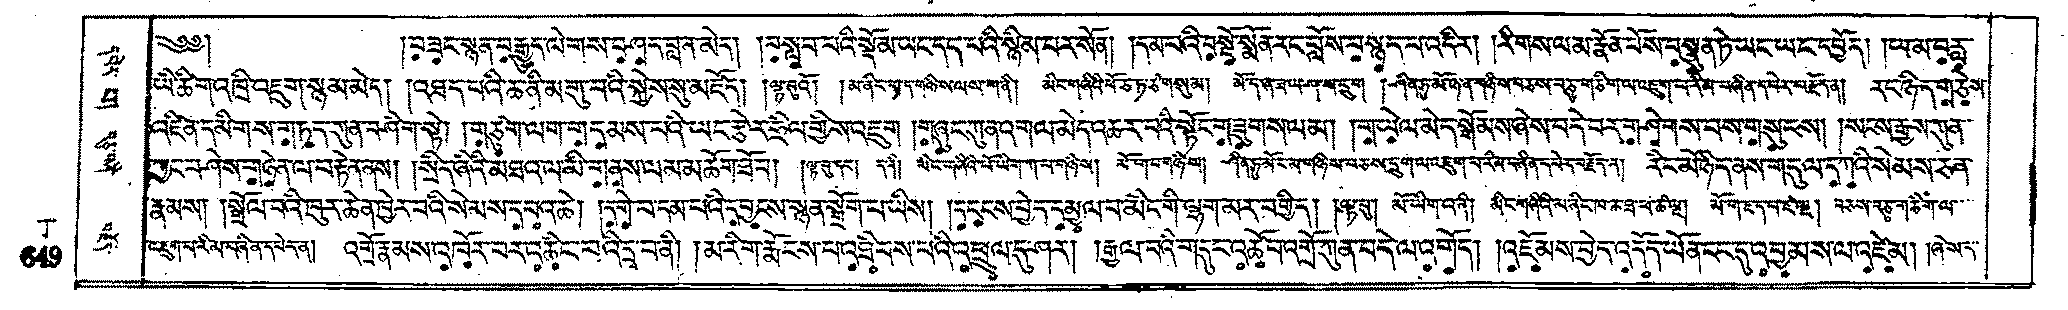༄༅། །བཟང྾་སྙན྾་བརྒྱུད྾་ལེགས་བཤད྾་བླ་ན་མེད། །བསླབ྾་པའི་སྡོམ་ཡང་དད་པའི་སྙིམ་པར་སོན། །དམ་པའི་བསྔོ྾་སྨོན་རང་བློས་བསྙད་པ་འདིར། །རིགས་ལམ་རྣོན་པོས་བསྣུན྾་ཏེ་ཡང་ཡང་དཔྱོད། །ཡ་མ་བརླ྾་་་
ཡི་ཚིག་འཁྲི་འཇུག་སྙམ་མེད། །འཐད་པའི་ཆ་ནི་མགུ་བའི་སྐྱེས་སུ་མཛོད། །ལྟ་བུའོ། །མ་ནིང་ག་ད་གཉིས་ལས་ག་ནི། མིང་གཞིའི་ཕོ་ཅ་ཏ་ཙ་གསུམ། མོ་ད་ཞ་ཟ་ཡ་ཤ་ས་དྲུག །ཤིན་ཏུ་མོ་ཉ་ན་གཉིས་བཅས་བཅུ་གཅིག་ལ་འཇུག་པ་རིམ་བཞིན་དཔེར་བརྗོད་ན། རང་ཉིད་གཅེས་
འཛིན་དམིགས་གཏད་ཀུན་བཤིག་སྟེ། །གཙུག་ལག་གདམས྾་པའི་ཡང་རྩེར་ཧྲིལ་གྱིས་འཇུག །གཞུང྾་ཀུན་འགལ་མེད་འཆར་བའི་སྟོང་གཟུགས྾་ལམ། །གཡེལ྾་མེད་སྒོམས་ཞེས་བདེ་བར་གཤེགས྾་པས་གསུངས྾། །སངས་རྒྱས་ཀུན་་་
ཀྱང་བཤེས་གཉེན྾་ལ་བརྟེན་ནས། །སྲིད་ཞིའི་མཐའ་ལ་མི་གནས྾་ལམ་མཆོག་ཐོབ། །ལྟ་བུ་དང་། ད་ནི། མིང་གཞིའི་ཕོ་ཡིག་ཀ་པ་གཉིས། མོ་ག་པ་གཉིས། ཤིན་ཏུ་མོ་ང་མ་གཉིས་བཅས་དྲུག་ལ་འཇུག་པ་རིམ་བཞིན་དཔེར་བརྗོད་ན།  རིང་མོ་ཉིད་ནས་གདུལ་དཀའི྾་སེམས་ཅན་
རྣམས། །སྒྲོལ་བའི་ཁུར་ཆེན་ཁྱེར་བའི་སེམས་དཔའ྾་ཆེ། །དགེ྾་བ་དམ་པའི་དབྱངས྾་སྙན་སྒྲོག་པ་ཡིས། །དངགས་བྱེད་དམྱལ་བ་མིང་གི་ལྷག་མར་བགྱིད། །ལྟ་བུ། མོ་ཡིག་འ་ནི། མིང་གཞིའི་མ་ནིང་ཁ་ཆ་ཐ་ཕ་ཚ་ལྔ། མོ་ག་ཇ་ད་བ་ཛ་ལྔ། བཅས་བཅུ་གཅིག་ལ་་་
འཇུག་པ་རིམ་བཞིན་དཔེར་ན། འགྲོ་རྣམས་འཁོར྾་བར་འཆིང྾་བའི་དྲྭ་པ་ནི། །མ་རིག་རྨོངས་པ་འཐིབས྾་པའི྾་འཕྲུལ྾་དུ་ཤར། །རྒྱལ་བའི་གདུང་འཚོབ྾་འགྲོ་ཀུན་བདེ་ལ་འགོད྾། །འཇོམས་བྱེད་འདོད྾་ཡོན་ངང་དུ་འབྱམས྾་ལ་འཛེམ྾། །ཞེས་པ་